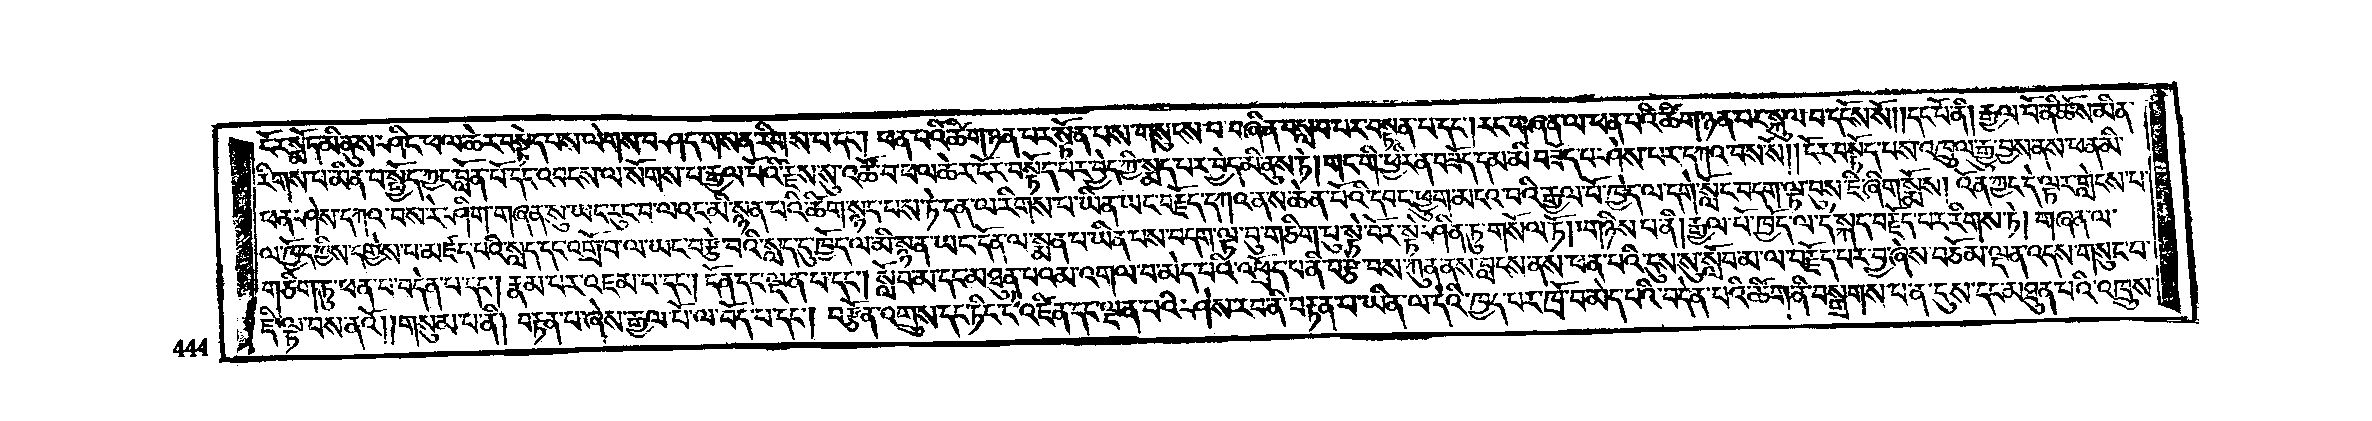ངོར་སྨོད་མི་ནུས་ཤིང་ཕལ་ཆེར་བསྟེད་པས་ལེགས་བཤད་གསན་རིགས་པ་དང་། ཕན་པའི་ཚིག་ཉན་པར་སྟོན་པས་གསུངས་པ་བཞིན་བསླབ་པར་བསྟན་པ་དང་། རང་གཞན་ལ་ཕན་པའི་ཚིག་ཉན་པར་སྐུལ་བ་དངོས་སོ། །དང་པོ་ནི། རྒྱལ་པོ་ནི་ཆོས་མིན་
རིགས་པ་མིན་པ་སྤྱོད་ཀྱང་བློན་པོ་དང་འབངས་ལ་སོགས་པ་རྒྱལ་པོའི་རྗེས་སུ་འཚོ་བ་ཕལ་ཆེར་ངོར་བསྟོད་པར་བྱེད་ཀྱི་སྨད་པར་བྱེད་མི་ནུས་ཏེ། གང་གི་ཕྱིར་ན་བཟོད་དམ་མི་བཟོད་པ་ཤེས་པར་དཀའ་བས་སོ། །ངོར་བསྟོད་པས་འཁྲུལ་རྒྱུ་བྱས་ནས་ཕན་མི་
ཕན་ཤེས་དཀའ་བས་རེ་ཤིག་གཞན་སུ་ཡང་རུང་བ་ལའང་མི་སྙན་པའི་ཚིག་སྙད་པས་ཏེ་དན་ལ་རིགས་པ་ཡིན་ཡང་བརྗོད་དཀའ་ནས་ཆེན་པོའི་དབང་ཕུག་མངའ་བའི་རྒྱལ་པོ་ཁྱེད་ལ་དགེ་སློང་བདག་ལྟ་བུས་ཇི་ཞིག་སྨོས། འོན་ཀྱང་དེ་ལྟར་གླེངས་པ་
ལ་ཁྱོད་ཀྱིས་དགྱེས་པ་མཛད་པའི་སླད་དང་འགྲོ་བ་ལ་ཡང་བརྩེ་བའི་སླད་དུ་ཁྱོད་ལ་མི་སྙན་ཡང་དོན་ལ་སྨན་པ་ཡིན་པས་བདག་ལྟ་བུ་གཅིག་པུ་སྟེ་བོར་སྟེ་ཤིན་ཏུ་གསོལ་ཏོ། །གཉིས་པ་ནི། རྒྱལ་པོ་ཁྱོད་ལ་དེ་སྐད་བརྗོད་པར་རིགས་ཏེ། གཞན་ལ་
གཅིག་ཏུ་ཕན་པ་བདེན་པ་དང་། རྣམ་པར་འཇམ་པ་དང་། དོན་དང་ལྡན་པ་དང་། སློབ་མ་དང་མཐུན་པའམ་འགལ་བ་མེད་པའི་འཕྲོད་པ་ནི་བརྩེ་བས་ཀུན་ནས་བླངས་ནས་ཕན་པའི་དུས་སུ་སློབ་མ་ལ་བརྗོད་པར་བྱ་ཞེས་བཅོམ་ལྡན་འདས་གསུང་པ་
ཇི་ལྟ་བས་ནའོ། །གསུམ་པ་ནི། བརྟན་པ་ཞེས་རྒྱལ་པོ་ལ་བོད་པ་དང་། བརྩོན་འགྲུས་དང་ཏིང་ངེ་འཛིན་དང་ལྡན་པའི་ཤེས་རབ་ནི་བརྟན་པ་ཡིན་ལ་དེའི་ཁྱད་པར་ཁྲོ་བ་མེད་པའི་བདེན་པའི་ཚིག་ནི་བསྒྲགས་པ་ན་དུས་དང་མཐུན་པའི་འཁྲུས་